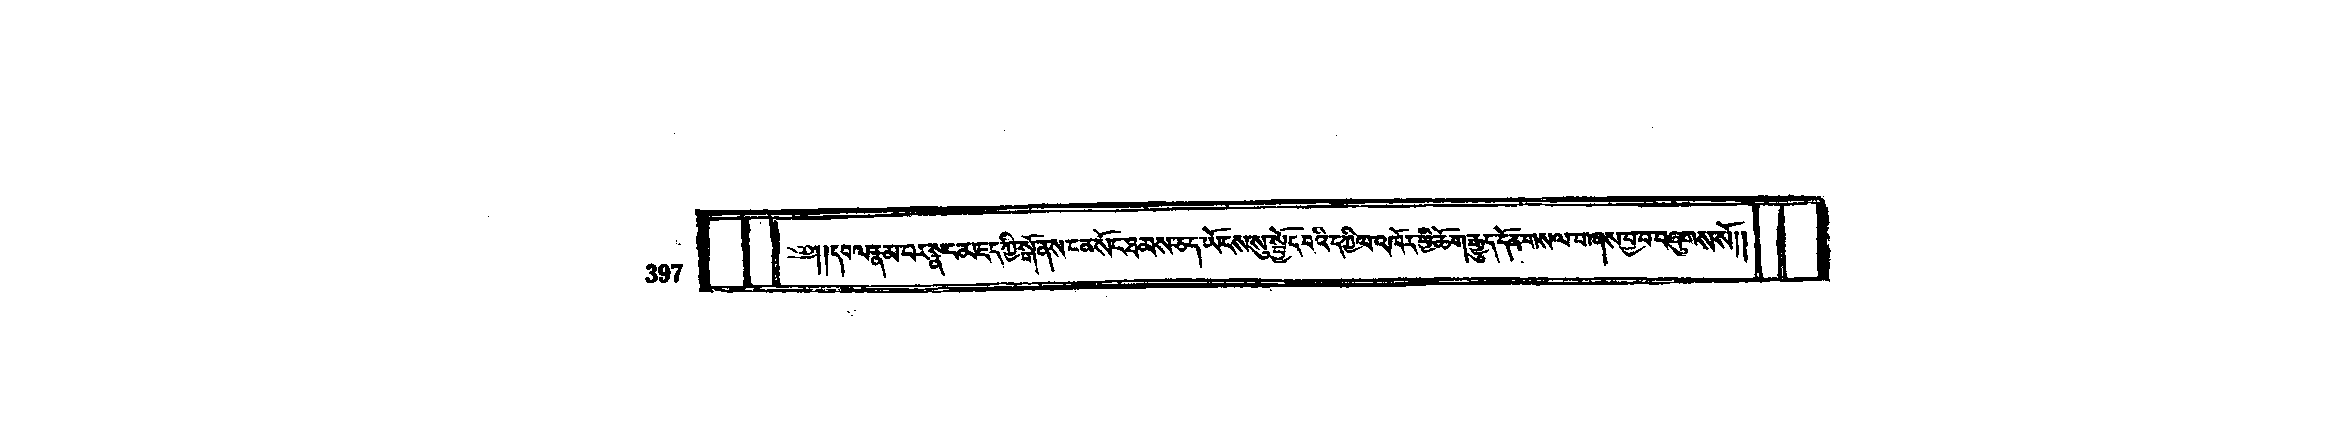༄༅། །དཔལ་རྣམ་པར་སྣང་མཛད་ཀྱི་སྒོ་ནས་ངན་སོང་ཐམས་ཅད་ཡོངས་སུ་སྦྱོང་བའི་དཀྱིལ་འཁོར་གྱི་ཆོ་ག་རྒྱུད་དོན་གསལ་བ་ཞེས་བྱ་བ་བཞུགས་སོ། །